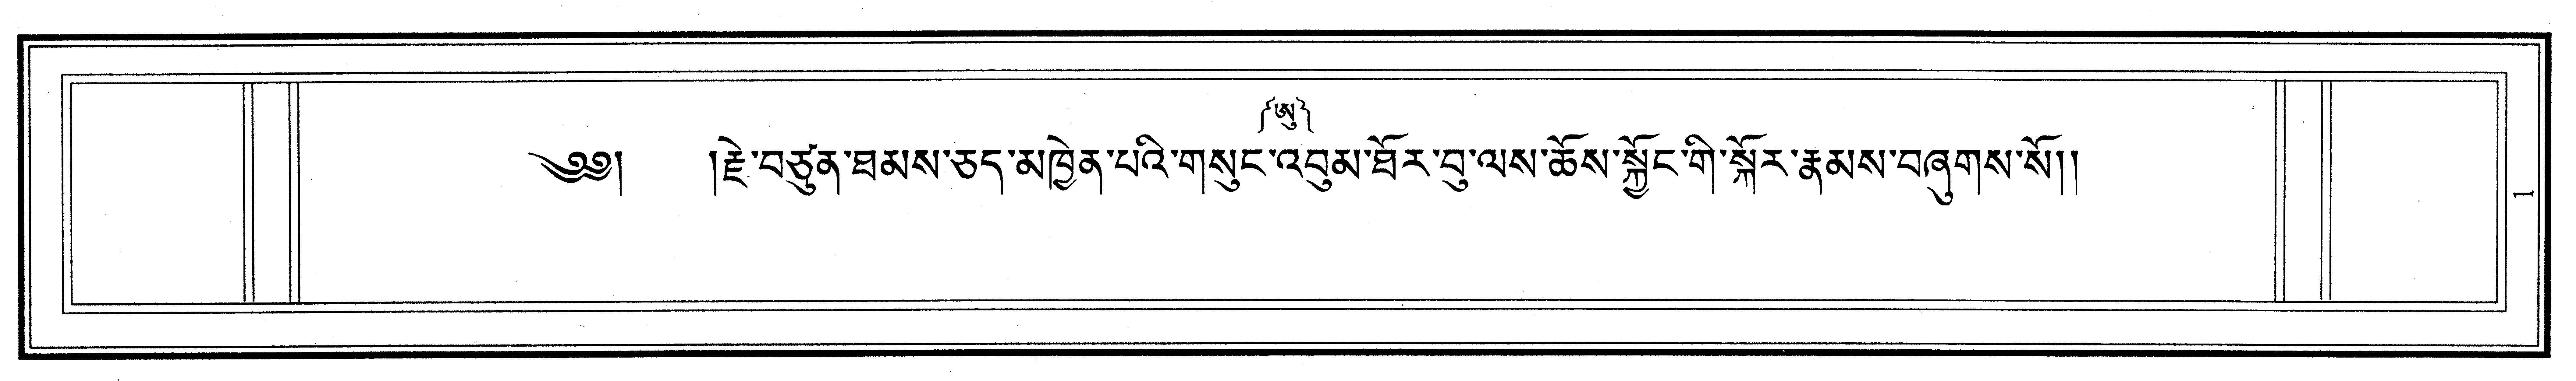༄༅། །རྗེ་བཙུན་ཐམས་ཅད་མཁྱེན་པའི་གསུང་འབུམ་ཐོར་བུ་ལས་ཆོས་སྐྱོང་གི་སྐོར་རྣམས་བཞུགས་སོ།།